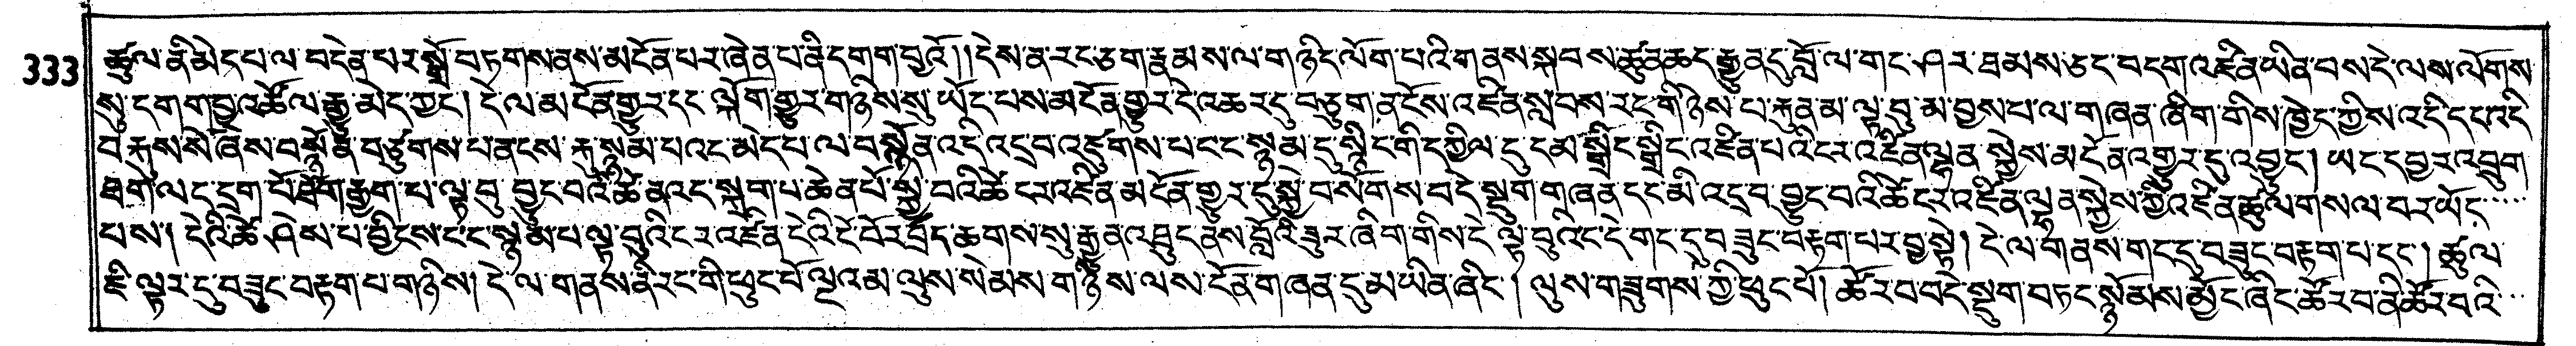ཚུལ་ནི་མེད་པ་ལ་བདེན་པར་སྒྲོ་བཏགས་ནས་མངོན་པར་ཞེན་པ་ནི་དགག་བྱའོ། །དེ་ན་རང་ཅག་རྣམས་ལ་གཉིད་ལོག་པའི་གནས་སྐབས་ཚུན་ཆད་རྒྱུན་དུ་བློ་ལ་གང་ཤར་ཐམས་ཅད་བདག་འཛིན་ཡིན་པས་དེ་ལས་ལོགས་
སུ་དགག་བྱ་འཚོལ་རྒྱུ་མེད་ཀྱང་། དེ་ལ་མངོན་གྱུར་དང་ལྐོག་གྱུར་གཉིས་སུ་ཡོད་པས་མངོན་གྱུར་དེ་འཆར་དུ་བཅུག་ན་ངོས་འཛིན་སླ་བས་རང་གི་ཉེས་པ་རྐུན་མ་ལྟ་བུ་མ་བྱས་པ་ལ་གཞན་ཞིག་གིས་ཁྱེད་ཀྱིས་འདི་དང་འདི་
བརྐུས་སེ་ཞེས་བསྙོན་བཙུགས་པ་ན་ངས་རྐུ་སྙམ་པའང་མེད་པ་ལ་བསྙོན་འདི་འདྲ་བ་འཛུགས་པ་དང་སྙམ་དུ་སྙིང་གི་དཀྱིལ་དུ་དམ་སྒྲིང་སྒྲིང་འཛིན་པའི་ངར་འཛིན་ལྷན་སྐྱེས་མངོན་འགྱུར་དུ་འབྱུང་། ཡང་དབྱར་འབྲུག་
ཐག་ལང་དྲག་པོ་ཐོག་རྒྱག་པ་ལྟ་བུ་བྱུང་བའི་ཚེ་ནའང་སྐྲག་པ་ཆེན་པོ་སྐྱེ་བའི་ཚེ་ངར་འཛིན་མངོན་གྱུར་དུ་སྐྱེ་བ་སོགས་བདེ་སྡུག་གཞན་དང་མི་འདྲ་བ་བྱུང་བའི་ཚེ་ངར་འཛིན་ལྷན་སྐྱེས་ཀྱི་འཛིན་ཚུལ་གསལ་བར་ཡོད་
པས། དེའི་ཚེ་ཤེས་པ་བྱིངས་ང་ང་སྙམ་པ་ལྟ་བུའི་ངར་འཛིན་དེའི་ངོ་བོར་བྲེད་ཆགས་སུ་རྒྱུན་འཐུད་ནས་བློའི་ཟུར་ཞིག་གིས་དེ་ལྟ་བུའི་ང་དེ་གང་དུ་བཟུང་བརྟག་པར་བྱ་སྟེ། དེ་ལ་གནས་གང་དུ་བཟུང་བརྟག་པ་དང་། ཚུལ་
ཇི་ལྟར་དུ་བཟུང་བརྟག་པ་གཉིས། དེ་ལ་གནས་ནི་རང་གི་ཕུང་པོ་ལྔའམ་ལུས་སེམས་གཉིས་ལས་དོན་གཞན་དུ་མ་ཡིན་ཞིང་། ལུས་གཟུགས་ཀྱི་ཕུང་པོ། ཚོར་བ་བདེ་སྡུག་བཏང་སྙོམས་མྱོང་ཞིང་ཚོར་བ་ནི་ཚོར་བའི་